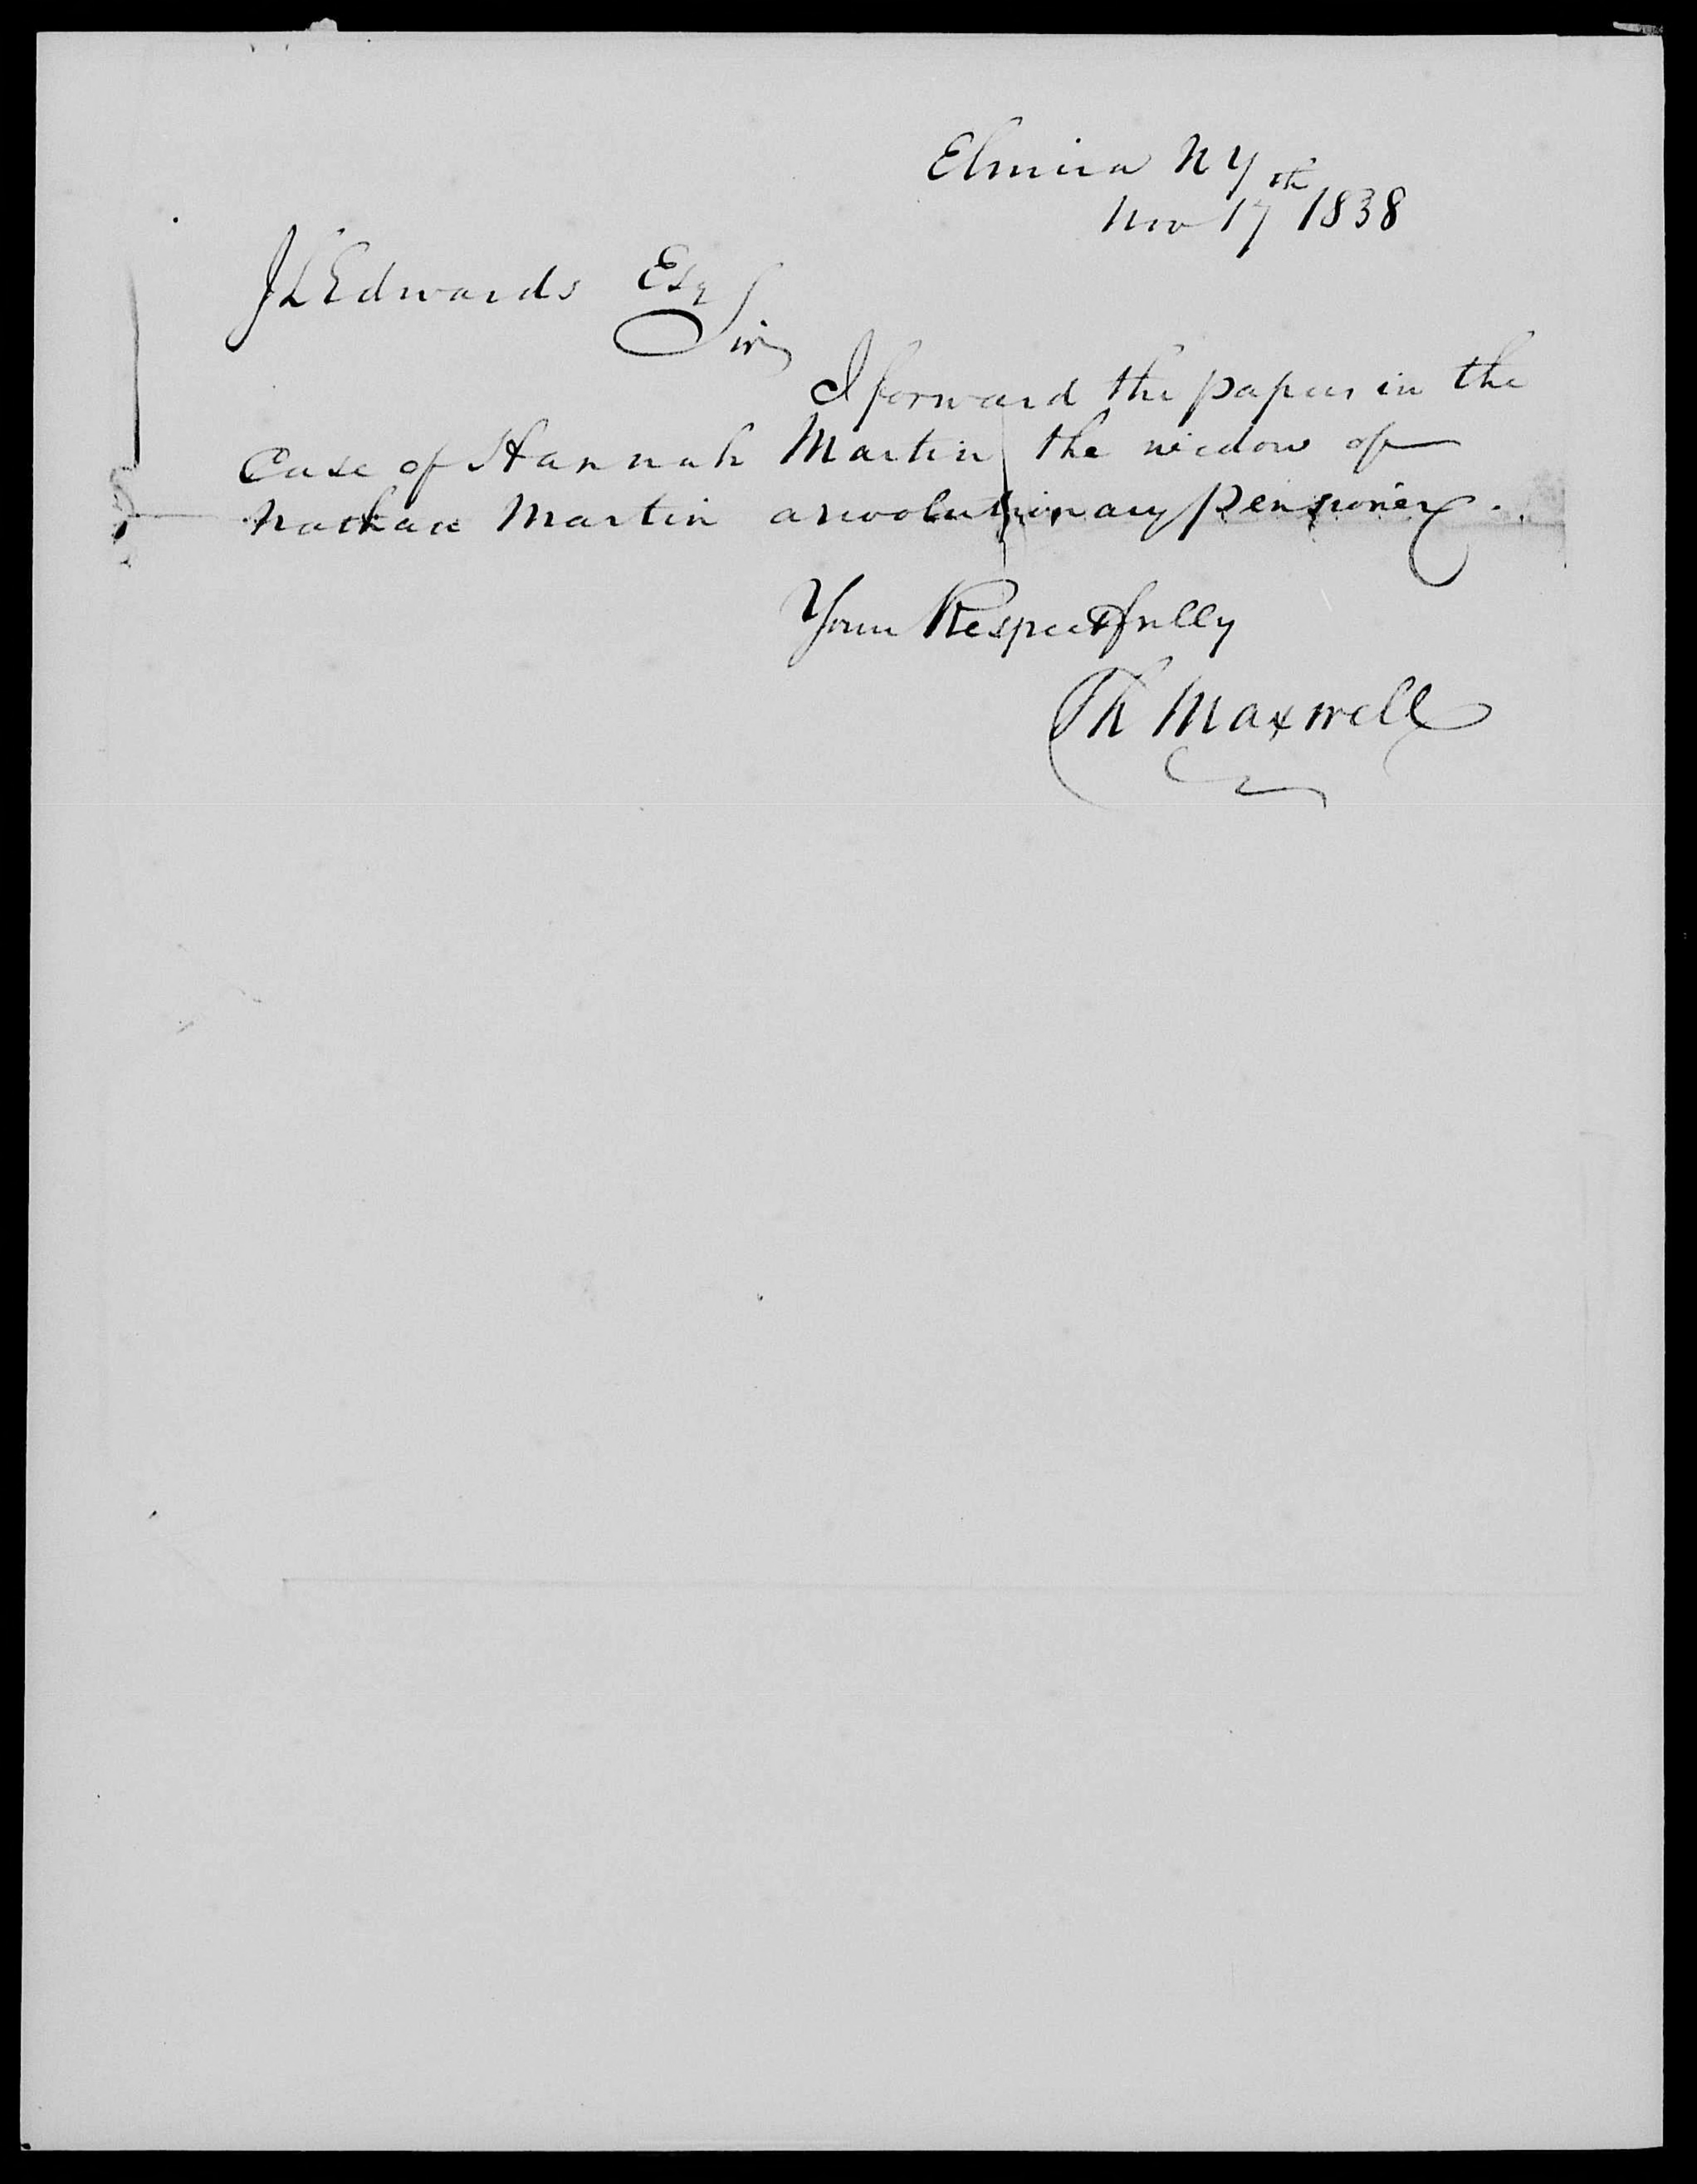Elmira NY
Nov 17th 1838
JL Edwards Esq
Sir
I forward the papers in the
case of Hannah Martin the widow of
Nathan Martin a Revolutionary Pensioner.
Yours Respectfully
Th Maxwell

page: 21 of 30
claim: widow's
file: W. 23,904, for Nathan Martin, New Hampshire